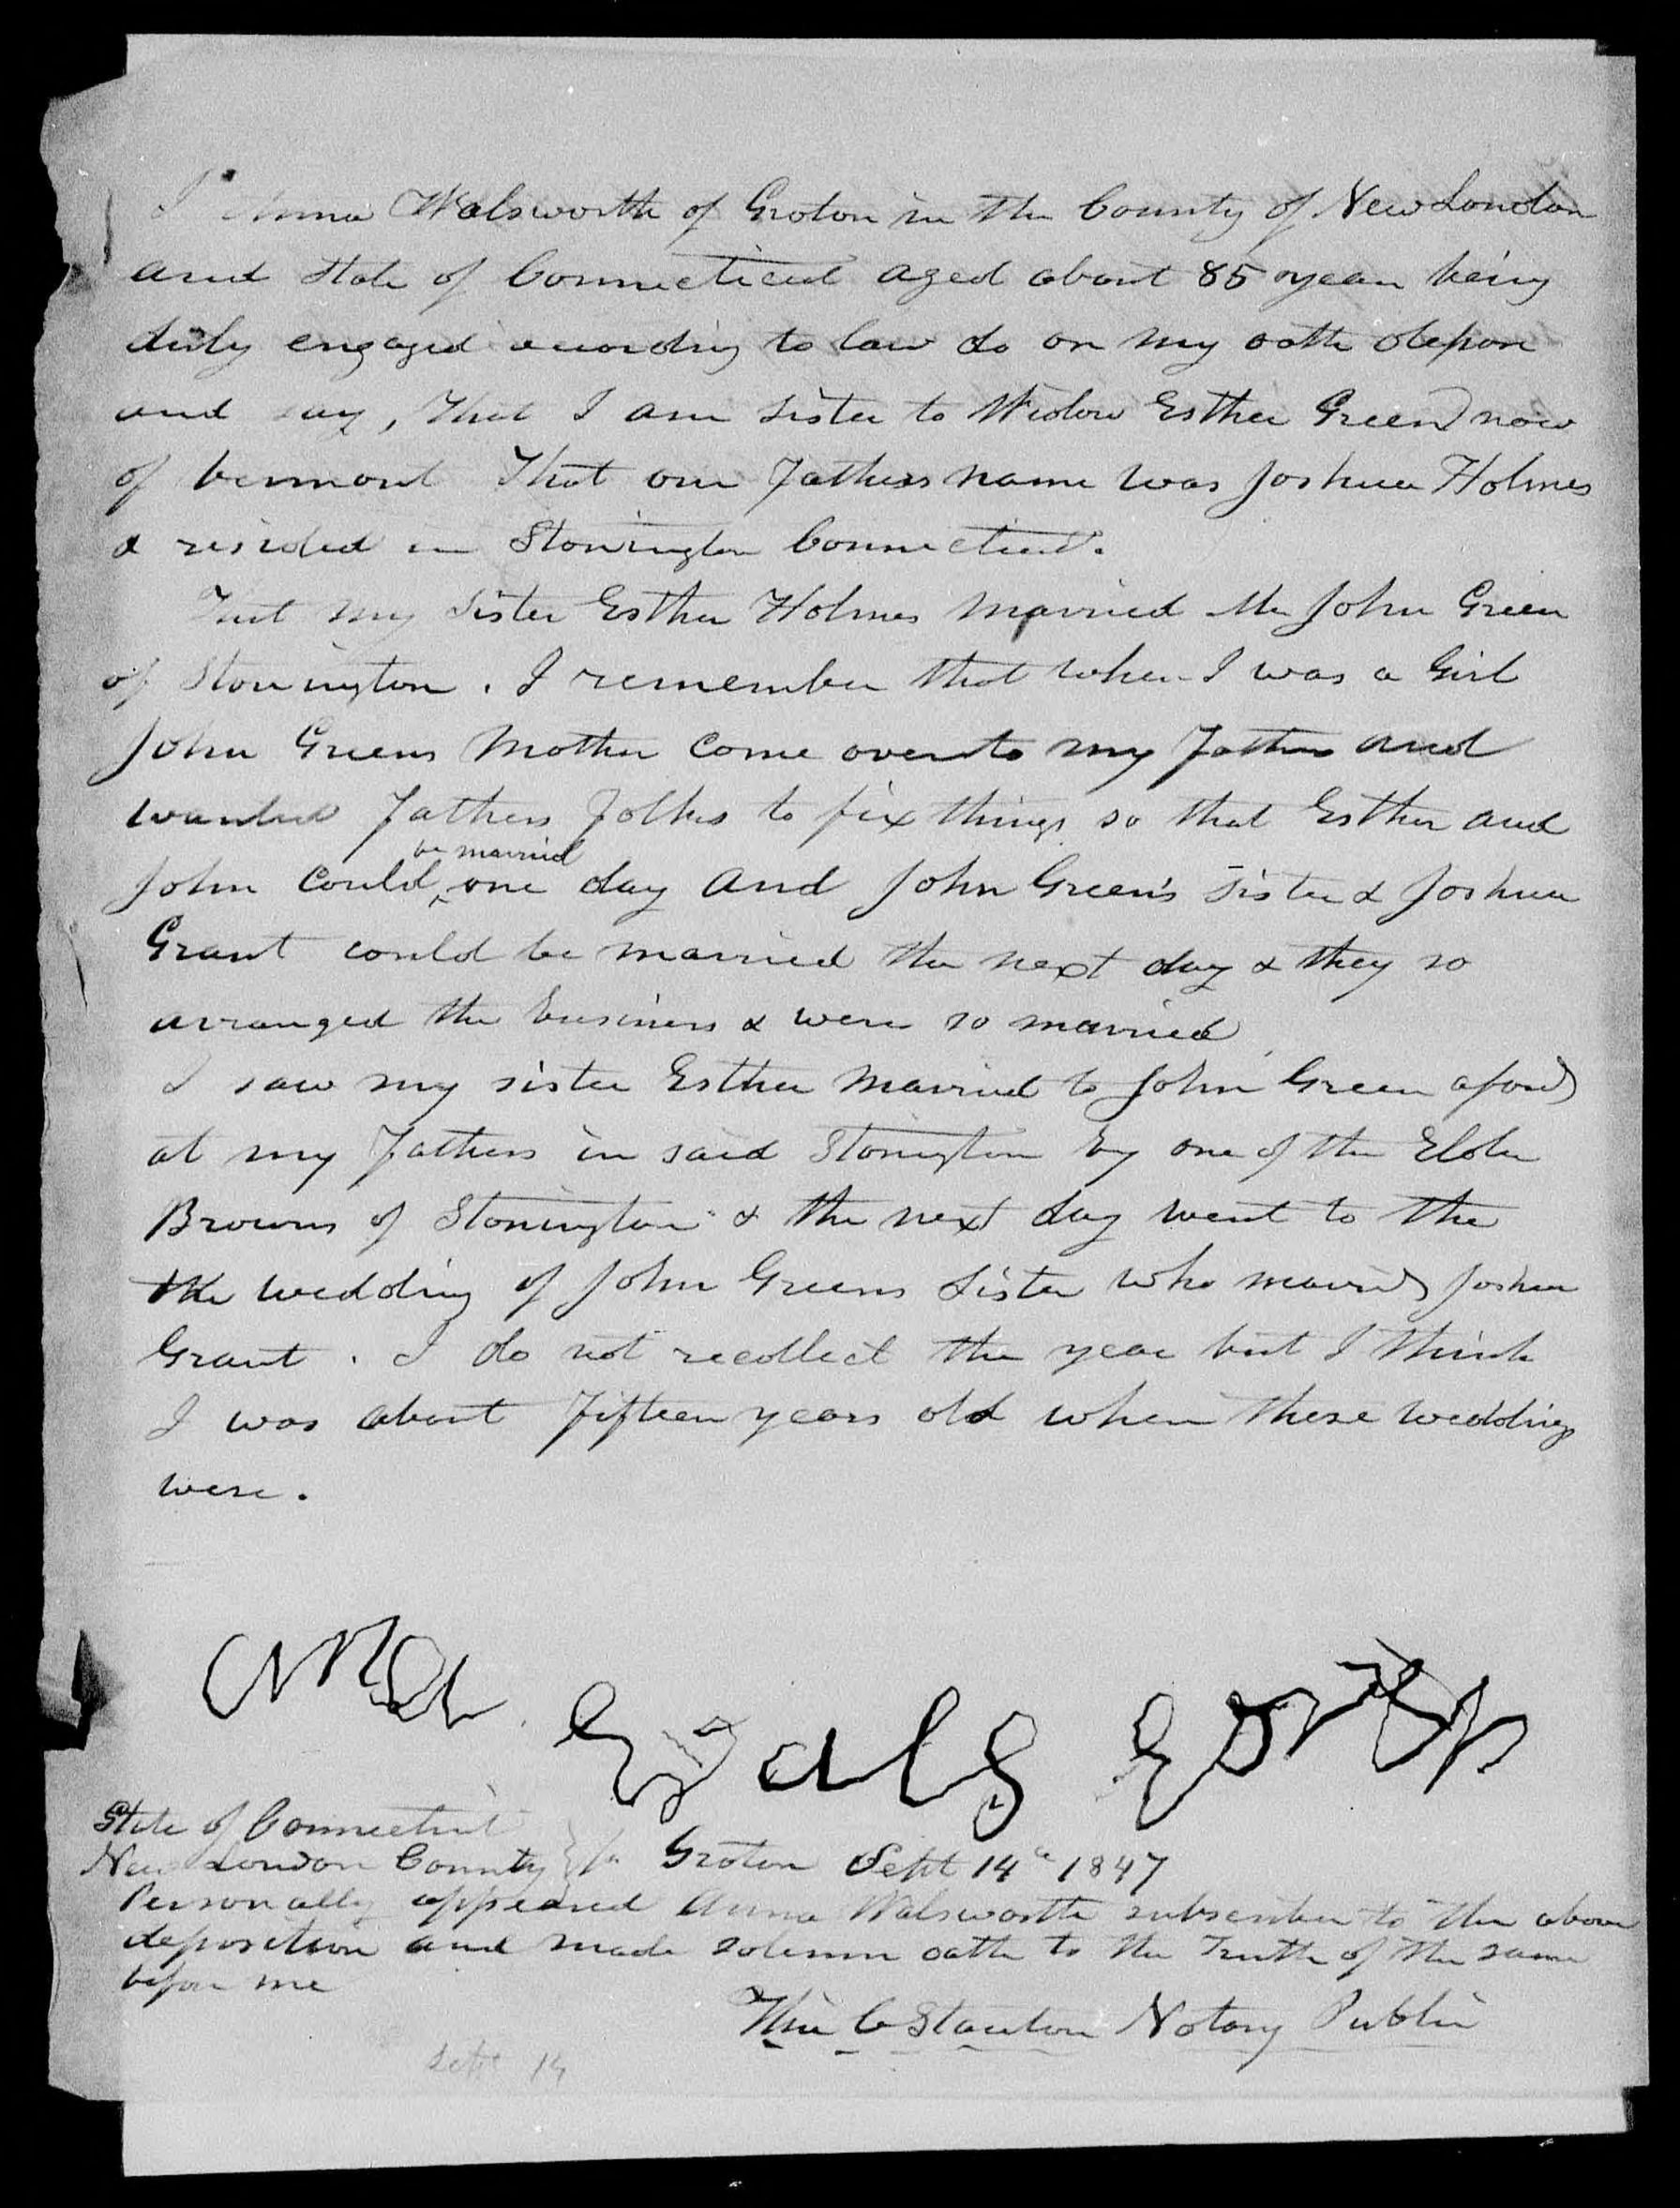I Anna Walsworth of Groton in the County of New London and state of Connecticut aged about 85 years being duly engaged according to law do on my oath [not legible] and say, that I am sister to Widow Esther Green now of Vermont that our father's name was Joshua Holmes a resident in Stonington Connecticut.
First my sister Esther Holmes married Mr. John Green of Stonington. I remember that when I was a girl John Green's mother come over to my father and wanted fathers [not legible] to fix things so that Esther and John could be married one day and John Green's sister and Joshua Grant could be married the next day and they so arranged the business and were so married.
I saw my sister Esther married to John Green after at my fathers in said Stonington by one of the Elder Browns of Stonington and the next day went to the wedding of John Green's sister who married Joshua Grant. I do not recollect the year best I think I was about fifteen years old when these weddings were. 

[signed Anna Walsworth]
State of Connecticut
New London County Groton Sept 14 1847
Personally appeared Anna Walsworth subscribed to the above deposition and made solemn oath to the truth of [the same?] before me

[signed Wm C Stanton Notary Public]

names: Wm C Stanton, Joshua Grant, John Green, John, John Green, Joshua Grant, Elder Browns, John Green, John Green, Anna Walsworth, Esther Green, Esther, Anna Walsworth, John Green, Joshua Holmes, Ana Walsworth, Esther Holmes, Esther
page: 5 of 40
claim: rejected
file: R. 4251, John Green, Conn.